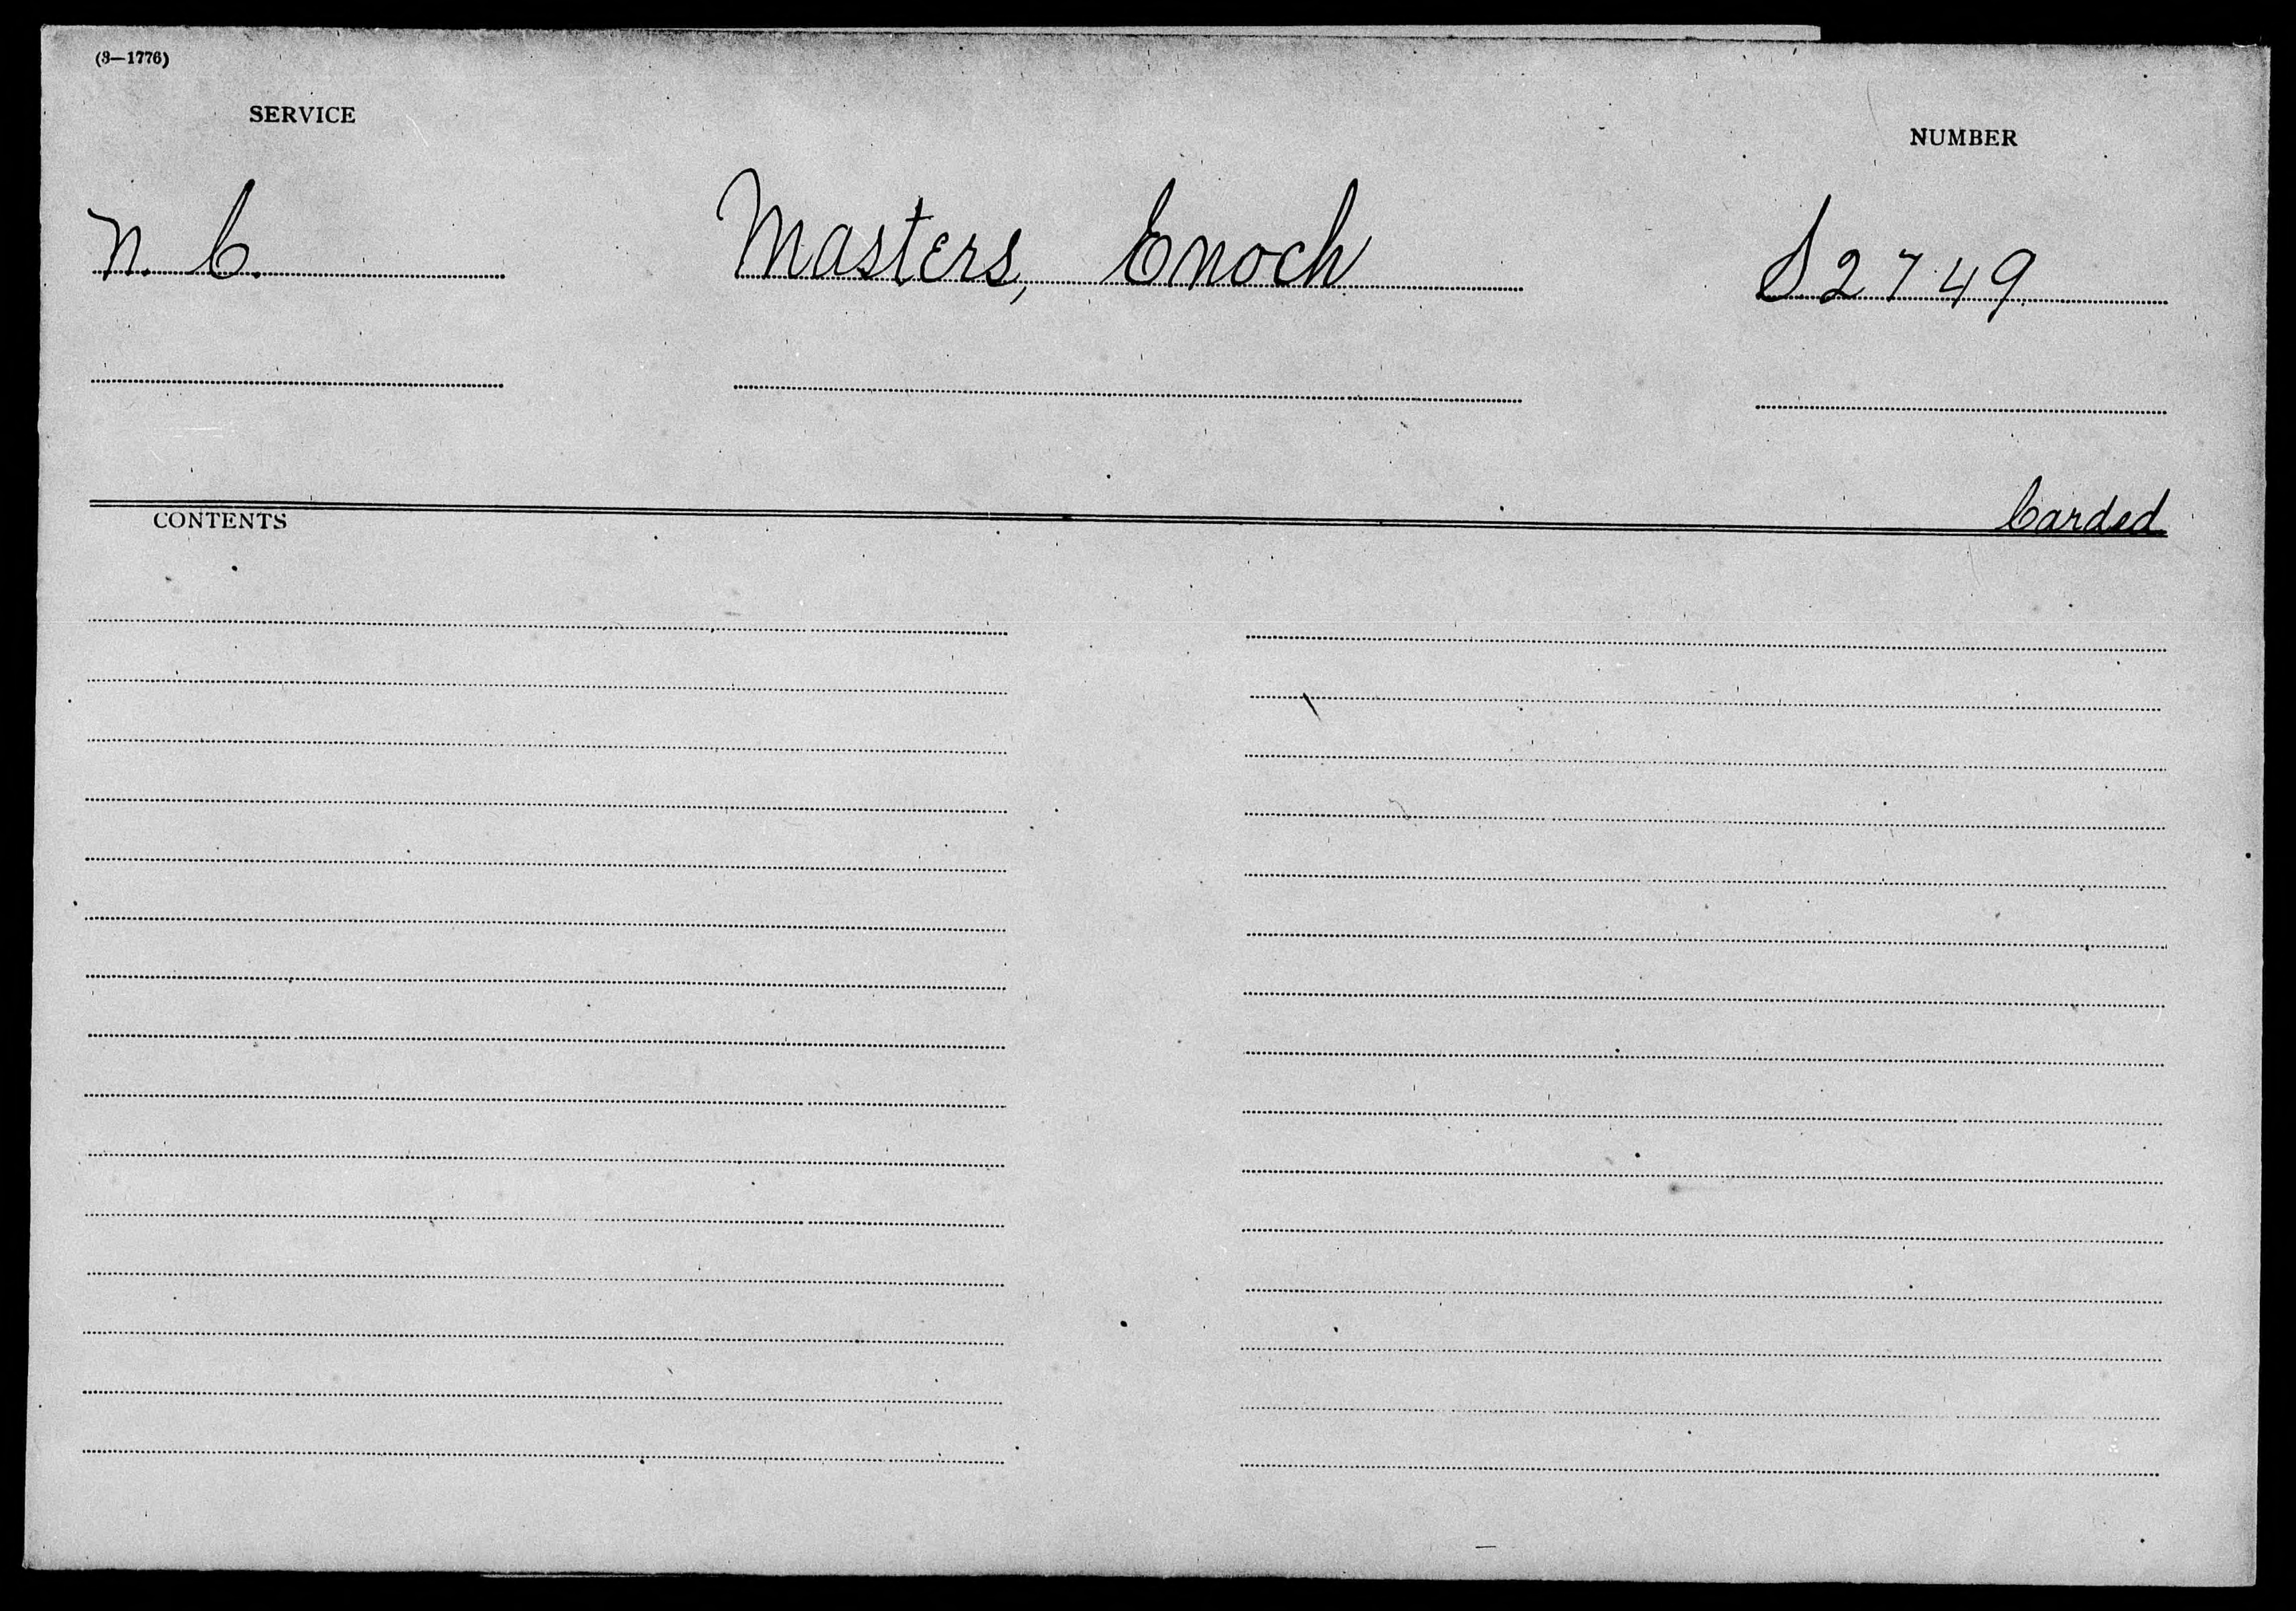Service
N.C. [North Carolina]

Masters, Enoch

Number
S2749

Carded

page: 1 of 15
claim: survivor's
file: S. 2749, for Enoch Masters, North Carolina